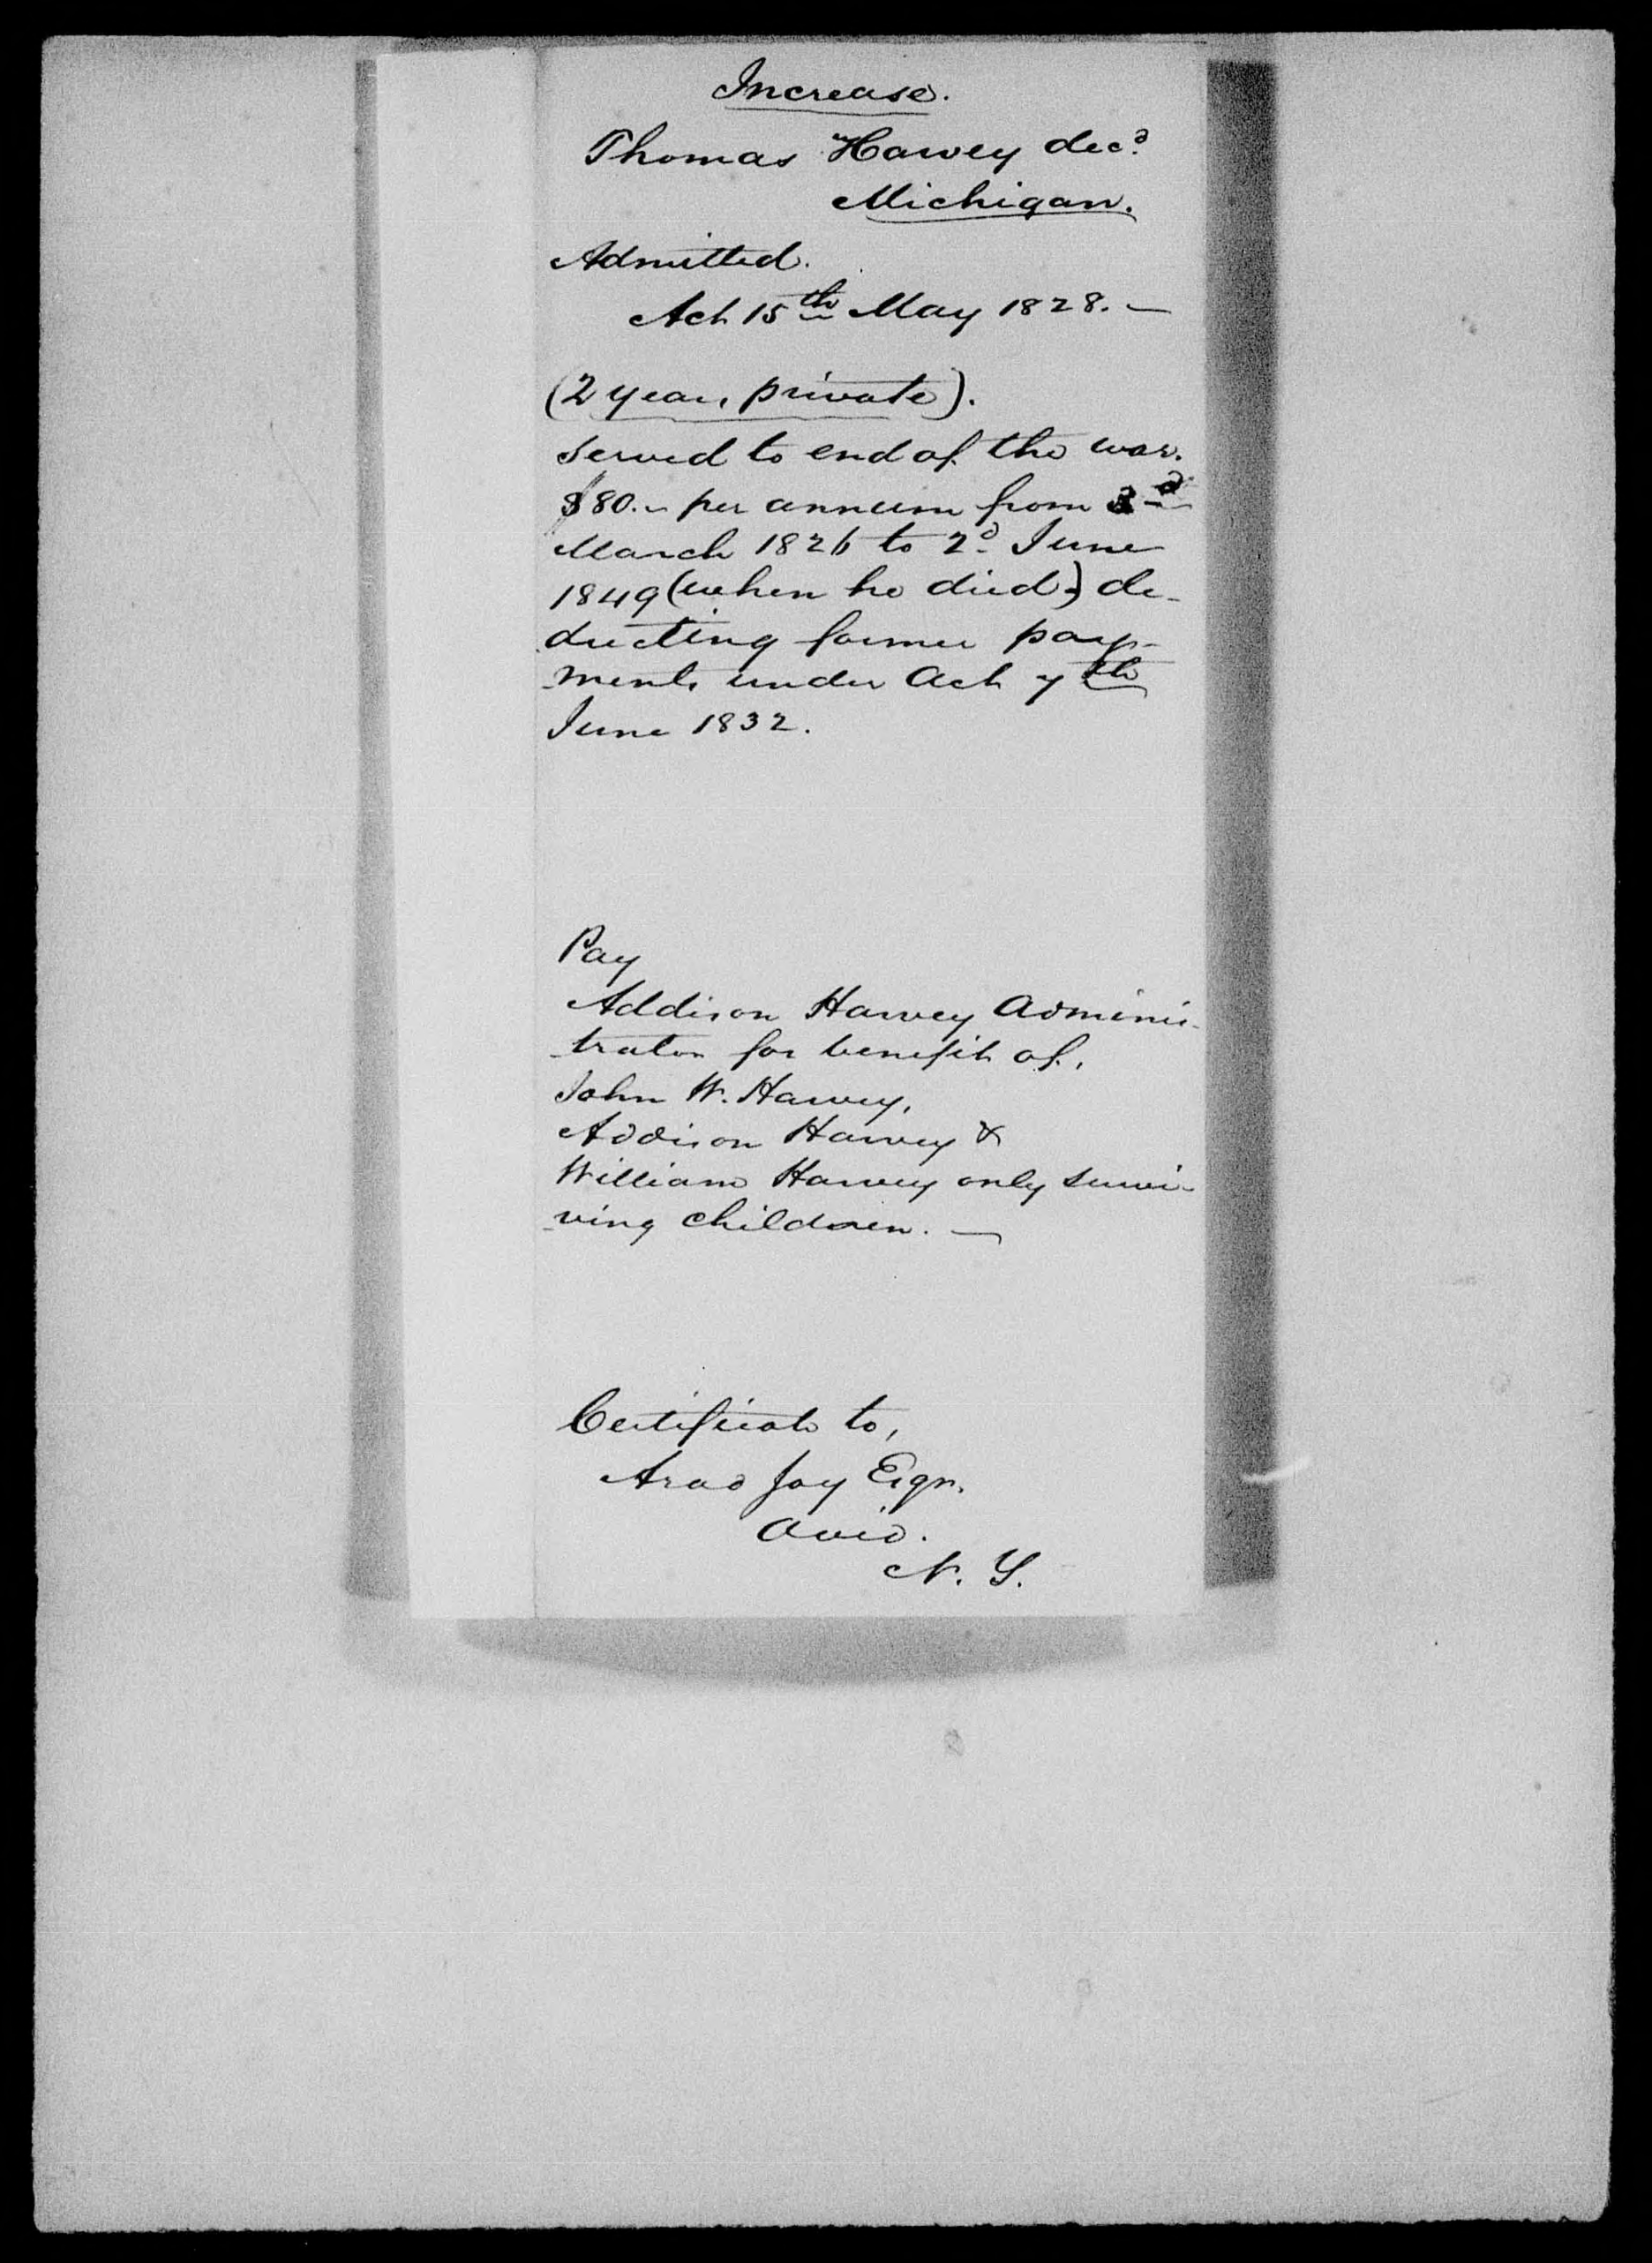Increase.
Thomas Harvey dec'd
Michigan.
Admitted. 
Act 15th May 1828. 
(2 years private).
Served to end of the war. 
$80. per annum from 3d March 1826 to 2d June 1849 (when he died.) deducting former payments under Act 7th June 1832. 
Pay Addison Harvey Administrator for benefit of John W. Harvey, Addison Harvey & William Harvey only surviving children. - 
Certificate to 
Arad Joy Esqr.
Ovid, N.Y.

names: John W Harvey, William Harvey, Arad Joy, Addison Harvey, Thomas Harvey, Addison Harvey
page: 43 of 80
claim: survivor's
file: S. 18008, Thomas Harvey, N.H.